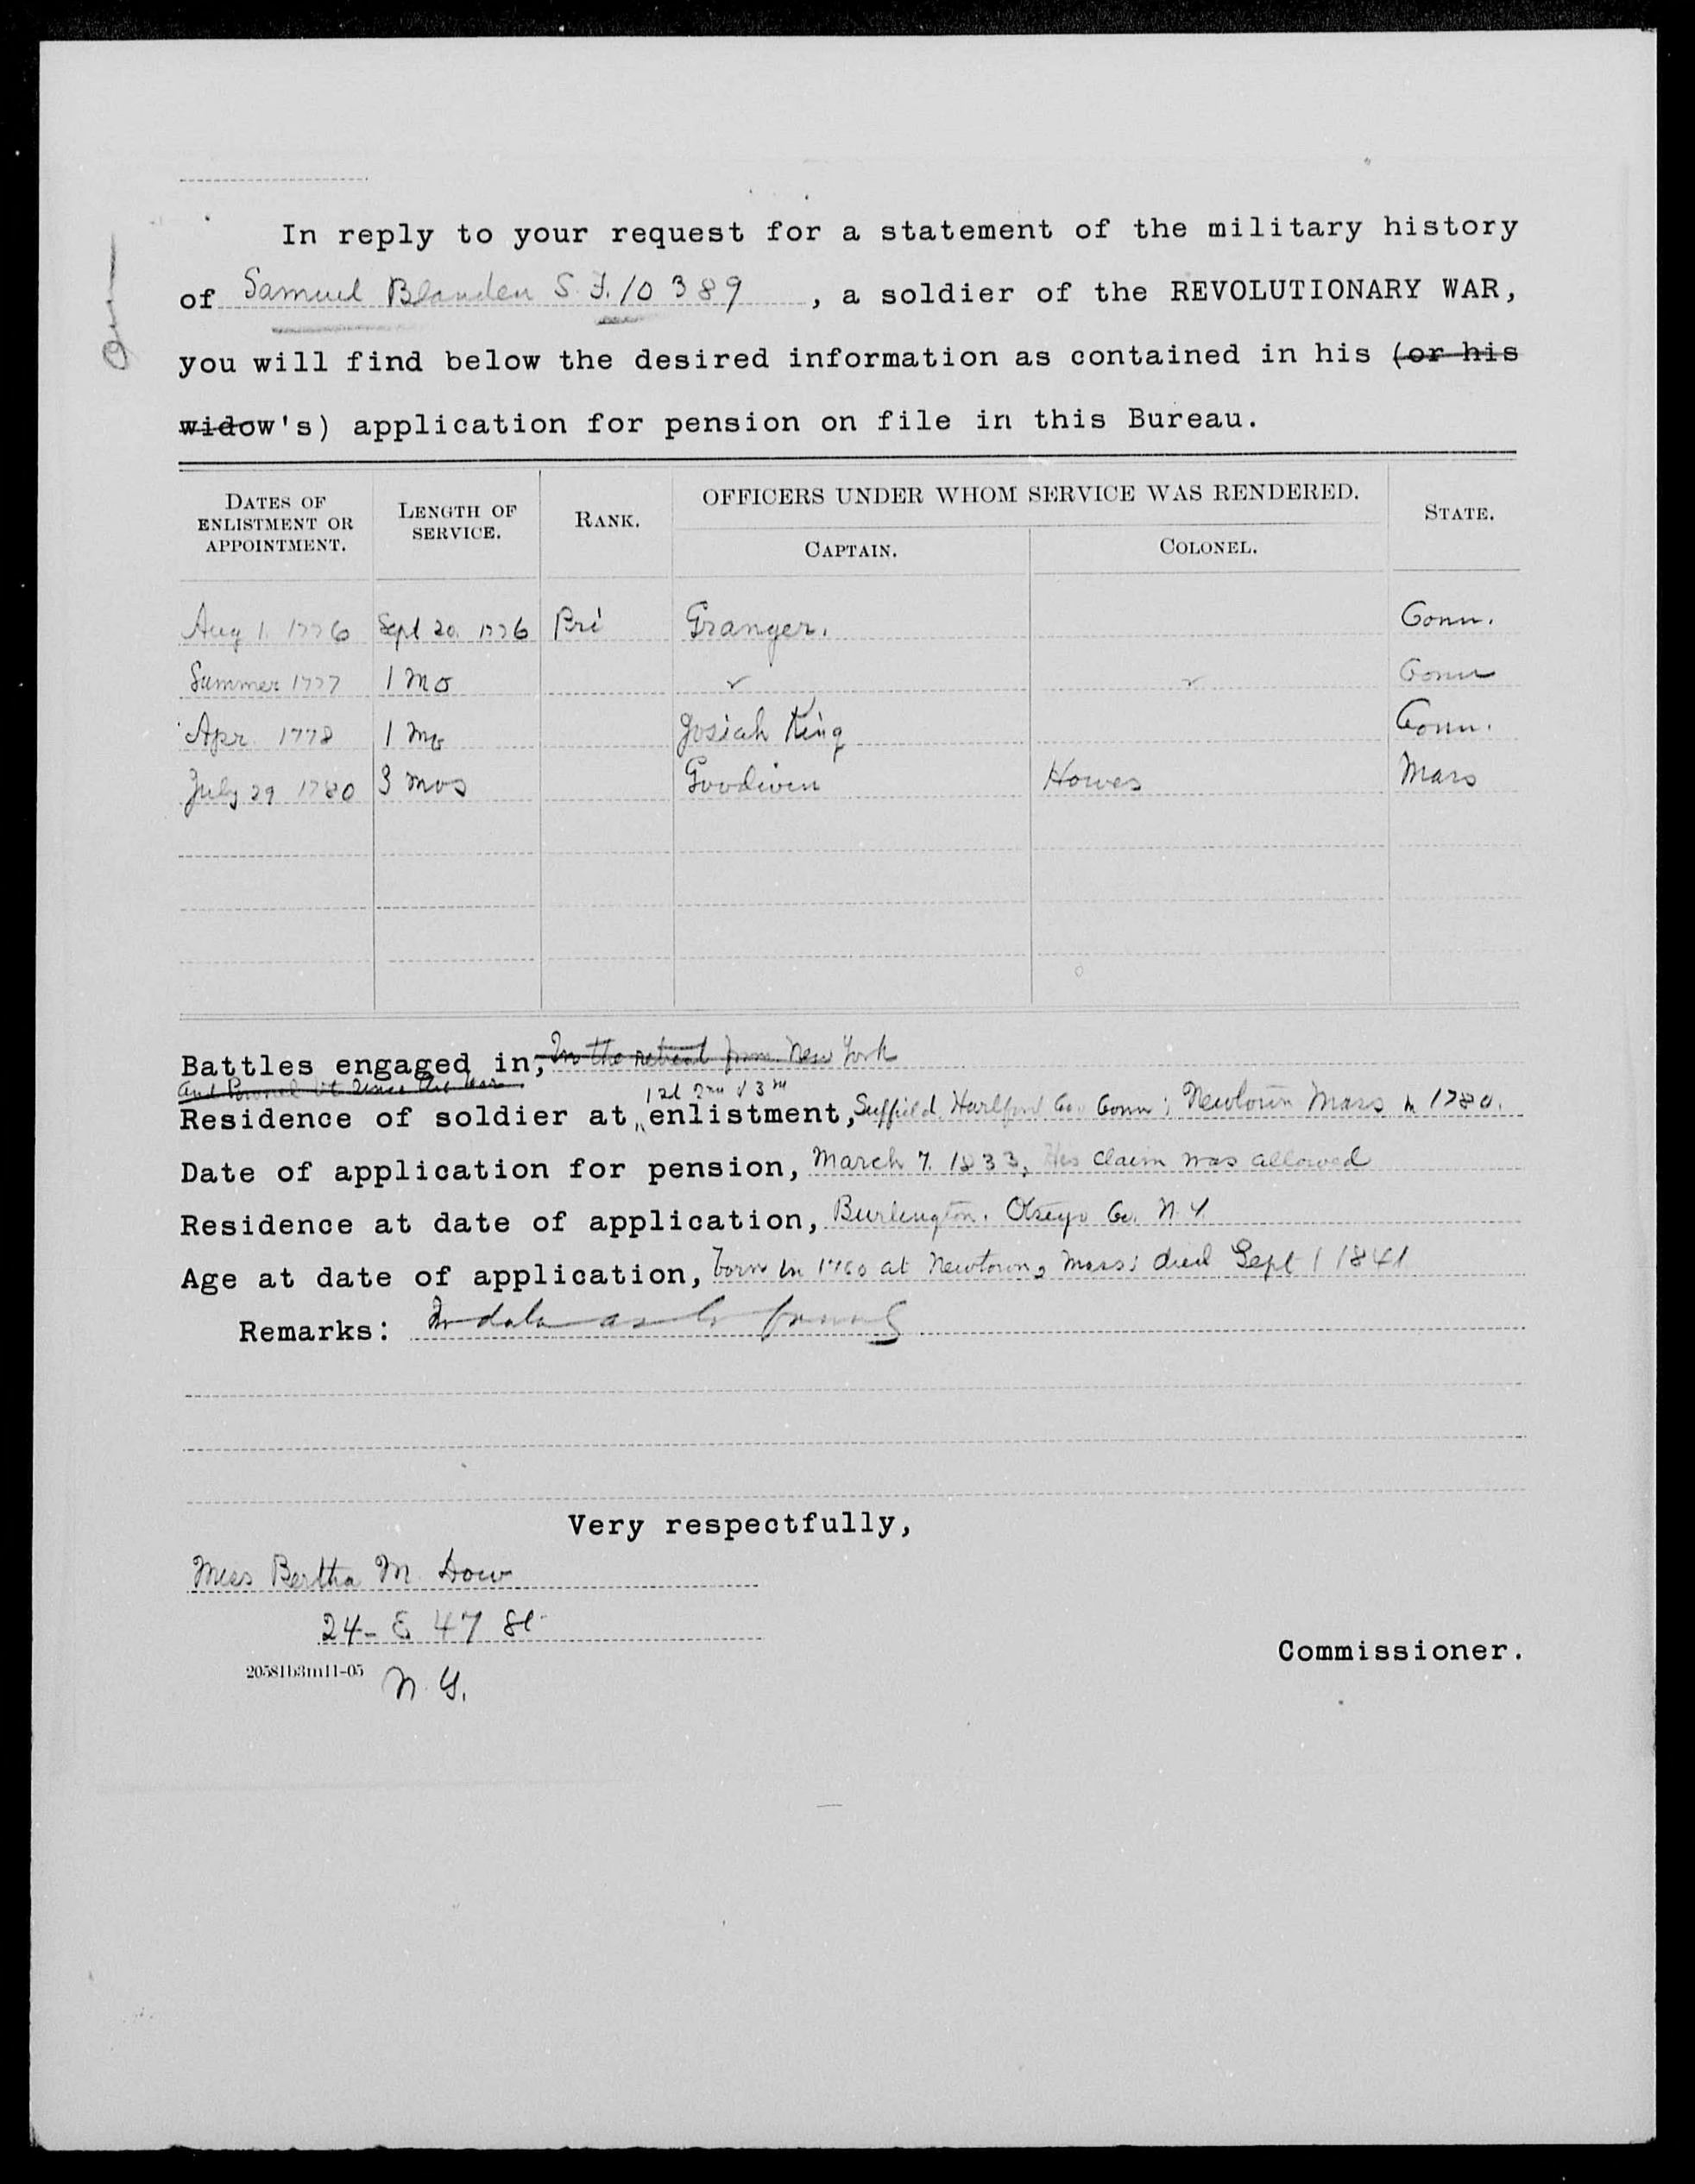In reply to your request for a statement of military history of _Samuel Blanden_ S.F. 10389, a soldier of the Revolutionary War, you will find below the desired information as contained in his (or his widow's) application for pension on file in this Bureau.

Date of Enlistment/Length of Service/ Rank/Officer under whom service was Rendered/State

Aug. 1, 1776/Sept. 20,1776/ Pri/Capt. Granger/ Conn.

Summer 1777/ 1 Mon/_/Capt. Granger/Conn.

Apr 1778/ 1 month/_/Capt. Josiah King/ Conn.

July 29,1780/ 3 mos/_/ Capt. Goodwin/Col. Howes/Mass.

Battles Engaged in (marked out- In the retreat from New York and [illegible]}

Residence of soldier at 1st, 2nd, 3rd enlistment: Suffield, Hartford Co. Conn, Newton Mass. m. 1780

Date of Application for pension: March 7, 1833, His claim was allowed

Residence at date of application: Burlington, Otsego Co. NY

Age at date of application: born in 1760, at Newton Mass, died Sept. 1841

Remarks: In data as to [illegible]

Very Respectfully,
Miss Bertha M. Dow
24- E 47St.
N.Y.

Commissioner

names: Granger, Josiah King, Bertha M Dow, Howes, Samuel Blanden, Goodwin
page: 11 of 14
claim: survivor's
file: S. 10389, Samuel Blanden, Conn. Mass